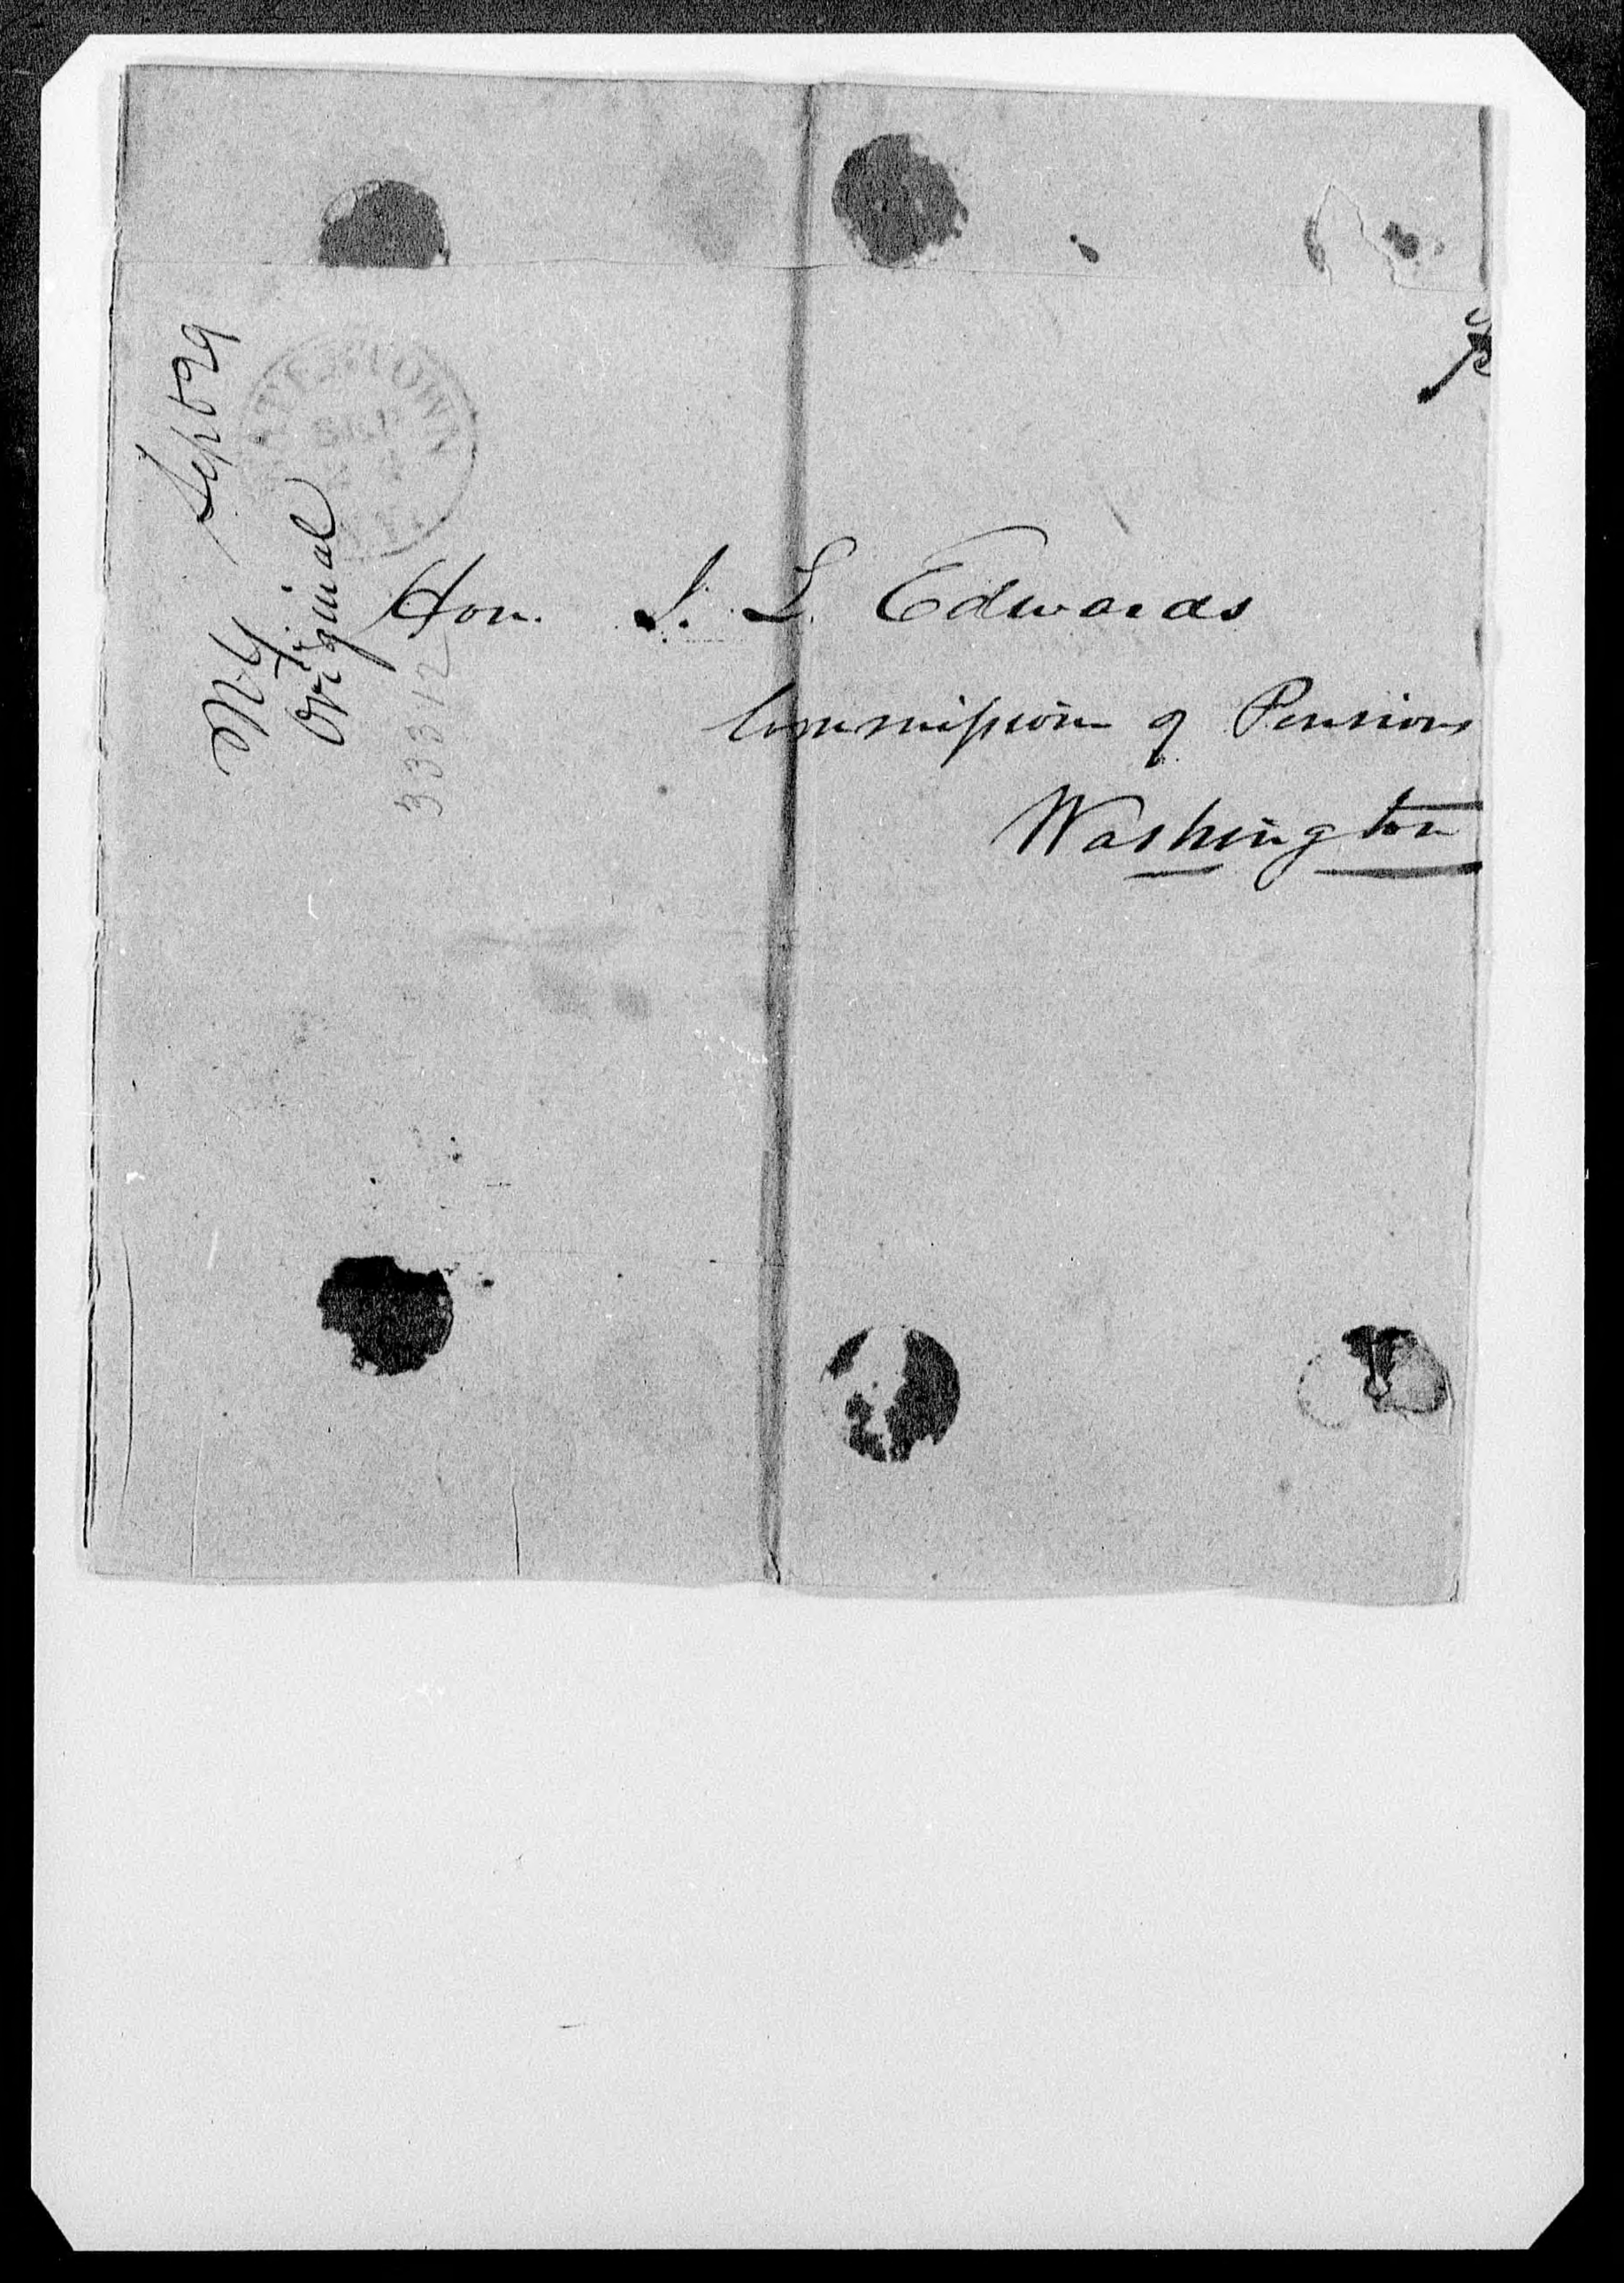[Postmark] Watertown N.Y. SEP 24
F[ree]
Hon. J.L. Edwards
Commissioner of Pensions
Washington

Crosswise:
Sept 29
N.Y.
Original
33312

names: J L Edwards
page: 24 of 47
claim: widow's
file: W. 10,602, Barce Chard, New York.